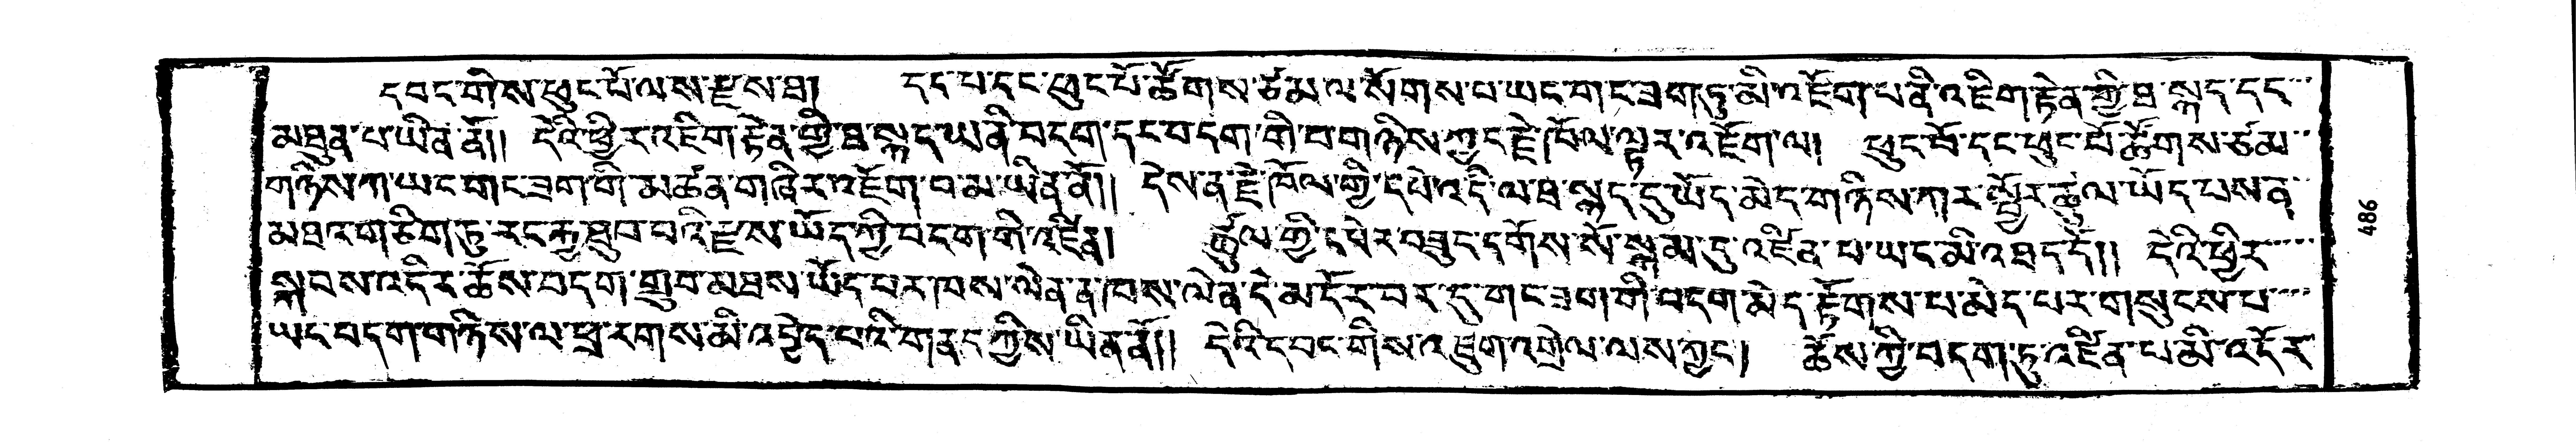དབང་གིས་ཕུང་པོ་ལས་རྫས་ཐ། དད་པ་དང་ཕུང་པོ་ཚོགས་ཙམ་ལ་སོགས་པ་ཡང་གང་ཟག་ཏུ་མི་འཇོག་པ་ནི་འཇིག་རྟེན་གྱི་ཐ་སྙད་དང་
མཐུན་པ་ཡིན་ནོ། །དེའི་ཕྱིར་འཇིག་རྟེན་གྱི་ཐ་སྙད་ཡ་ནི་བདག་དང་བདག་གི་བ་གཉིས་ཀྱང་རྗེ་ཁོལ་ལྟར་འཇོག་ལ། ཕུང་པོ་དང་ཕུང་པོ་ཚོགས་ཙམ་
གཉིས་ཀ་ཡང་གང་ཟག་གི་མཚན་གཞིར་འཇོག་པ་མ་ཡིན་ནོ། །དེས་ན་རྗེ་ཁོལ་གྱི་དཔེ་འདི་ལ་ཐ་སྙད་དུ་ཡོད་མེད་གཉིས་ཀར་སྦྱོར་ཚུལ་ཡོད་པས་ན་
མཐའ་གཅིག་ཏུ་རང་རྐྱ་ཐུབ་པའི་རྫས་ཡོད་ཀྱི་བདག་གི་འཛིན། ཚུལ་གྱི་དཔེར་བཟུང་དགོས་སོ་སྙམ་དུ་འཛིན་པ་ཡང་མི་འཐད་དོ། །དེའི་ཕྱིར་
སྐབས་འདིར་ཆོས་བདག་གྲུབ་མཐས་ཡོད་པར་ཁས་ལེན་ན་ཁས་ལེན་དེ་མདོར་བར་དུ་གང་ཟག་གི་བདག་མེད་རྟོགས་པ་མེད་པར་གསུངས་པ་
ཡང་བདག་གཉིས་ལ་ཕྲ་རགས་མི་འབྱེད་པའི་གནད་ཀྱིས་ཡིན་ནོ། །དེའི་དབང་གིས་འཇུག་འགྲེལ་ལས་ཀྱང་། ཆོས་ཀྱི་བདག་ཏུ་འཛིན་པ་མི་འདོར་